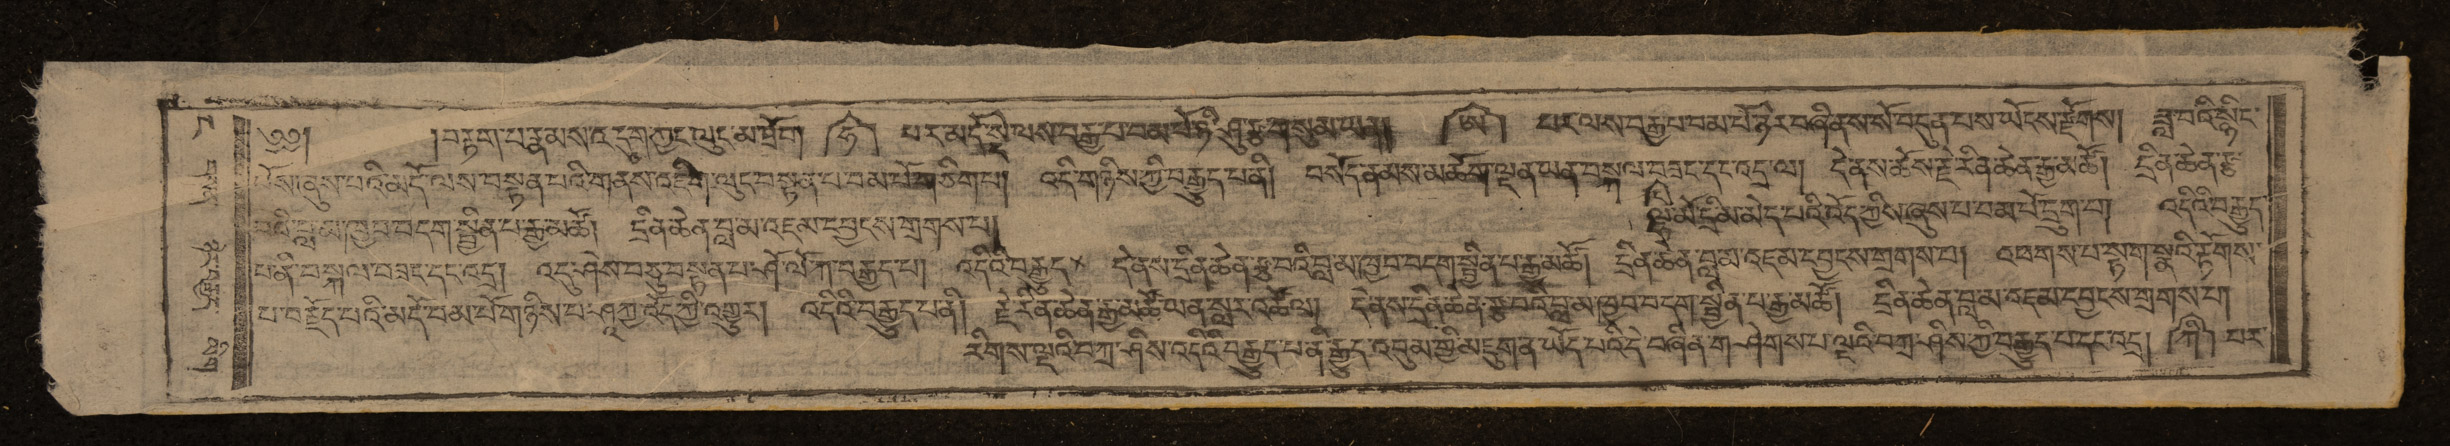༄༅། །བརྟག་པ་རྣམས་འདུག་ཀྱང་ལུང་མ་ཐོབ། {ཧ}་པར་མདོ་སྡེ་ལས་བརྒྱ་པ་བམ་པོ་ཉི་ཤུ་རྩ་གསུམ་ཡན། {ཨ}་པར་ལས་བརྒྱབ་པ་བམ་པོ་ཉེར་བཞིན་ས་སོ་བདུན་པས་ཡོངས་རྫོགས། ཟླ་བའི་སྙིང་
པོས་ཞུས་པའི་མདོ་ལས་བསྟན་པའི་གནས་འཇིག་ལུང་བསྟན་པ་བམ་པོ་གཅིག་པ། འདི་གཉིས་ཀྱི་བརྒྱུད་པ་ནི། བསོད་ནམས་མཆོག་ལྡན་ལན་བསྐལ་བཟང་དང་འདྲ་ལ། དེ་ནས་ཆོས་རྗེ་རིན་ཆེན་རྒྱ་མཚོ། དྲིན་ཆེན་རྩ་
བའི་བླ་མ་ཁྱབ་བདག་སྦྱིན་པ་རྒྱ་མཚོ། དྲིན་ཆེན་བླ་མ་འཇམ་དབྱངས་གྲགས་པ། ལྷ་མོ་དྲི་མ་མེད་པའི་འོད་ཀྱིས་ཞུས་པ་བམ་པོ་དྲུག་པ། འདིའི་བརྒྱུད་
པ་ནི་བསྐལ་བཟང་དང་འདྲ། འདུ་ཤེས་བཅུ་བསྟན་པ་ཤོ་ལོ་ཀ་བརྒྱད་པ། འདིའི་བརྒྱུད་དེ་ནས་དྲིན་ཆེན་རྩ་བའི་བླ་མ་ཁྱབ་བདག་སྦྱིན་པ་རྒྱ་མཚོ། དྲིན་ཆེན་བླ་མ་འཇམ་དབྱངས་གྲགས་པ། འཕགས་པ་སྟག་སྣའི་རྟོགས་
བ་བརྗོད་པའི་མདོ་བས་པོ་གཉིས་པ་ཤཱཀྱ་འོད་ཀྱི་འགྱུར། འདིའི་བརྒྱུད་པ་ནི། རྗེ་རིན་ཆེན་རྒྱ་མཚོ་ཡན་སླར་འཚོལ། དེ་ནས་དྲིན་ཆེན་རྩ་བའི་བླ་མ་ཁྱབ་བདག་སྦྱིན་པ་རྒྱ་མཚོ། དྲིན་ཆེན་བླ་མ་འཇམ་དབྱངས་གྲགས་པ།
རིགས་ལྔའི་བཀྲ་ཤིས་འདིའི་བརྒྱུད་པ་ནི་རྒྱུད་འབུམ་གྱི་འཇུག་ན་ཡོད་པའི་དེ་བཞིན་གཤེགས་པ་ལྔའི་བཀྲ་ཤིས་ཀྱི་བརྒྱུད་པ་དང་འདྲ། {ཀ}་པར་